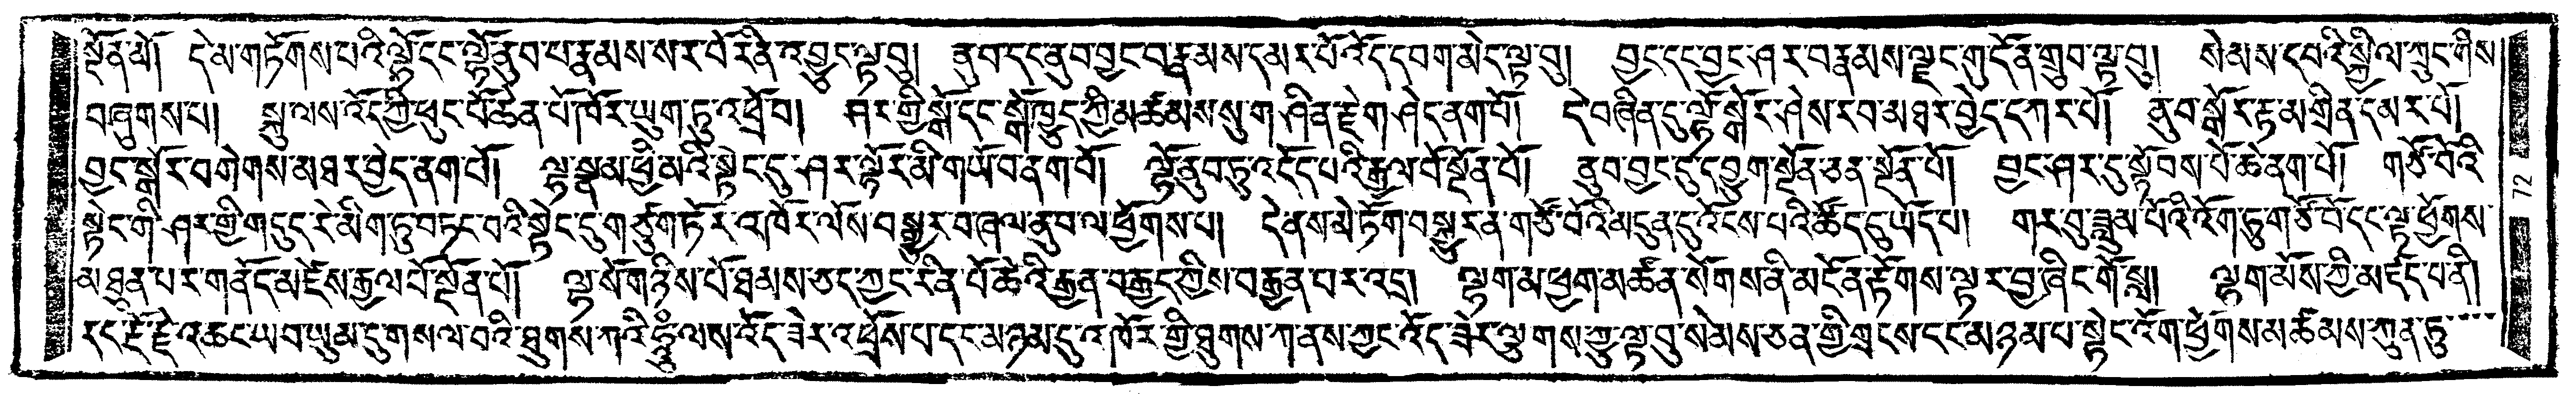སྔོན་མོ། དེ་མ་གཏོགས་པའི་ལྷོ་དང་ལྷོ་ནུབ་པ་རྣམས་སར་པོ་རིན་འབྱུང་ལྟ་བུ། ནུབ་དང་ནུབ་བྱང་བ་རྣམས་དམར་པོ་འོད་དཔག་མེད་ལྟ་བུ། བྱང་དང་བྱང་ཤར་བ་རྣམས་ལྗང་གུ་དོན་གྲུབ་ལྟ་བུ། སེམས་དཔའི་སྐྱིལ་ཀྲུང་གིས་
བཞུགས་པ། སྐུ་ལས་འོད་ཀྱི་ཕུང་པོ་ཆེན་པོ་ཁོར་ཡུག་ཏུ་འཕྲོ་བ། ཤར་གྱི་སྒོ་དང་སྒོ་ཁྱུང་ཀྱི་མཚམས་སུ་གཤིན་རྗེ་གཤེད་ནག་པོ། དེ་བཞིན་དུ་ལྷོ་སྒོར་ཤེས་རབ་མཐར་བྱེད་དཀར་པོ། ནུབ་སྒོར་རྟ་མགྲིན་དམར་པོ།
བྱང་སྒོར་བགེགས་མཐར་བྱེད་ནག་པོ། ལྷ་སྣམ་ཕྱི་མའི་སྟེང་དུ་ཤར་ལྷོར་མི་གཡོ་བ་ནག་པོ། ལྷོ་ནུབ་ཏུ་འདོད་པའི་རྒྱལ་པོ་སྔོན་པོ། ནུབ་བྱང་དུ་དབྱུག་སྔོན་ཅན་སྔོན་པོ། བྱང་ཤར་དུ་སྟོབས་པོ་ཆེ་ནག་པོ། གཙོ་བོའི་
སྟེང་གི་ཤར་གྱི་གདུང་རེ་མིག་ཏུ་བཏང་བའི་སྟེང་དུ་གཙུག་ཏོར་འཁོར་ལོས་བསྒྱུར་བ་ཞལ་ནུབ་ལ་ཕྱོགས་པ། དེ་ནས་མེ་ཏོག་བསྒྱུར་ན་གཙོ་བོའི་མདུན་དུ་འོངས་པའི་ཚོད་དུ་ཡོད་པ། གར་བུ་ཟླུམ་པོའི་འོག་ཏུ་གཙོ་བོ་དང་ལྷ་ཕྱོགས་
མཐུན་པར་གནོད་མཛེས་རྒྱལ་པོ་སྔོན་པོ། ལྷ་སོ་གཉིས་པོ་ཐམས་ཅད་ཀྱང་རིན་པོ་ཆེའི་རྒྱན་བརྒྱད་ཀྱིས་བརྒྱན་པར་འདྲ། ལྷག་མ་ཕྱག་མཚན་སོགས་ནི་མངོན་རྟོགས་ལྟར་བྱ་ཞིང་གོ་སླ། ལྷག་མོས་ཀྱི་མཛད་པ་ནི།
རང་རྡོ་རྗེ་འཆང་ཡབ་ཡུམ་དུ་གསལ་བའི་ཐུགས་ཀའི་ཧཱུཾ་ལས་འོད་ཟེར་འཕྲོས་པ་དང་མཉམ་དུ་འཁོར་གྱི་ཐུགས་ཀ་ནས་ཀྱང་འོད་ཟེར་ལྕགས་ཀྱུ་ལྟ་བུ་སེམས་ཅན་གྱི་གྲངས་དང་མཉམ་པ་སྟེང་འོག་ཕྱོགས་མཚམས་ཀུན་ཏུ་